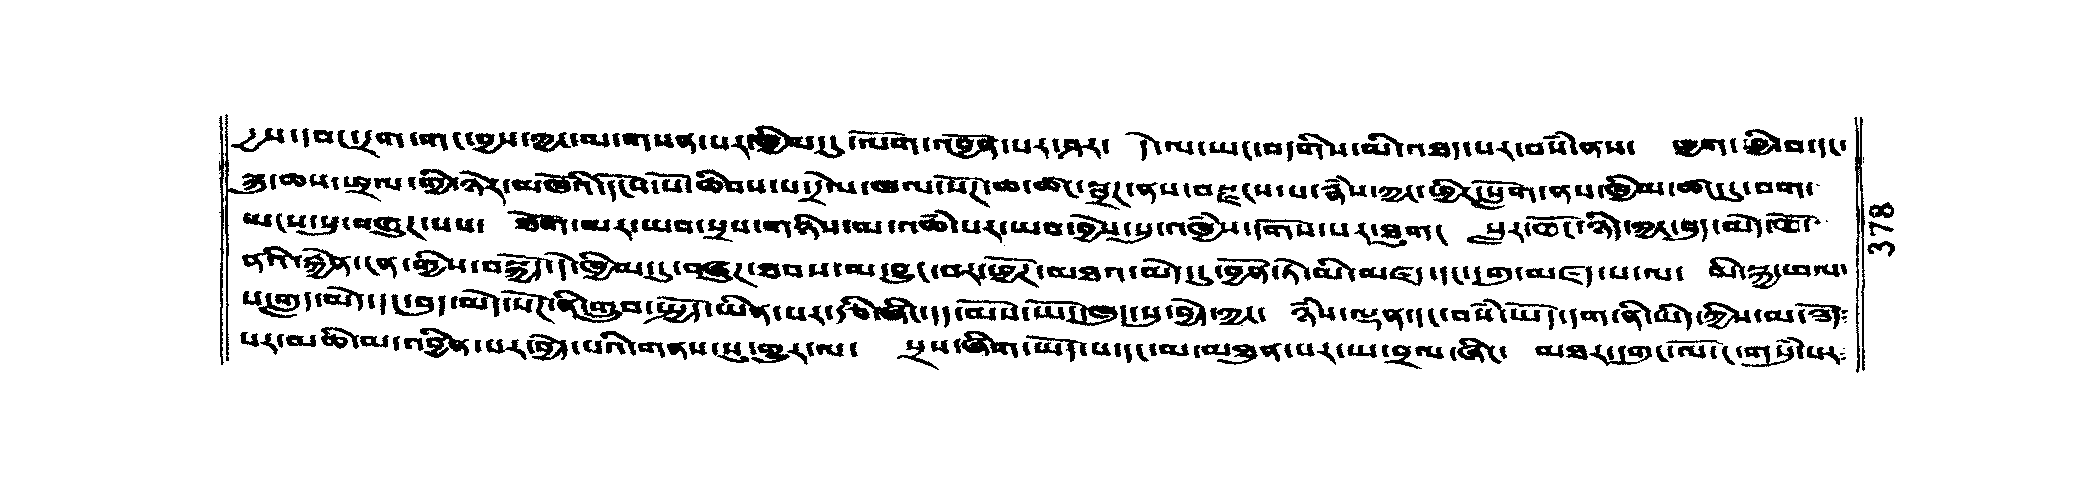རྒྱས་དབང་དྲག་གང་བྱས་ཀྱང་མ་གསན་པར་ཁྱིམ་དུ་ལོག་བྱོན་པར་ཤར།དེ་ལ་ཡང་བདག་གིས་མི་འཐད་པར་བསམ་ནས། ཕྱག་ཕྱི་བ་དང་
སྐུ་ཆས་ཕྲལ་གྱི་ཉེར་མཁོའི་དངོས་པོ་ཆིབས་པ་དྲེལ་ཁལ་སོགས་ཆ་ཚང་སྦྲགས་ནས་བརྫངས་པ་རྣམས་ཀྱང་ཕྱིར་སློག་ནས་ཁྱིམ་ཚང་དུ་བག་
ཡངས་སུ་བཞུགས་པས། ཐོག་མར་ཡབ་སྲས་གཉིས་མ་འཆམ་པར་ཡབ་བྱེས་སུ་འཁྱམས་དགོས་པར་ཐུག སླར་ཁོང་ཉིད་ཀྱང་བུད་མེད་ཁོ་
ནའི་རྐྱེན་ངན་གྱིས་བསྐྱོད་དེ་ཁྱིམ་དུ་བཞུགས་ཐབས་མ་བྱུང་བར་ཕྱོགས་མཐའ་མེད་དུ་བྱོན་ཏེ་མི་མཛད་དང་དགུ་མཛད་པ་ལ། མི་སྐྱ་ཕལ་
པ་ཀླད་མེད་དང་བུད་མེད་སོགས་ནི་གྲུབ་སྤྱོད་ཡིན་པར་རྩི་ཞིང་དད་མོས་ཡོད་ཁུལ་དུ་བྱེད་ཀྱང་། ཉམས་ལྡན་དང་བསམ་ཡོད་དག་ནི་ཡིད་ཀྱིས་མ་ཟོད་
པར་མཆི་མ་འབྱིན་པར་བྱེད་པའི་གནས་སུ་གྱུར་ལ། སྲས་ཞིག་ཡོད་པ་དང་མ་མཐུན་པར་ཡ་བྲལ་ཞིང་། མཐར་དགུང་ལོ་ང་གསུམ་པར་